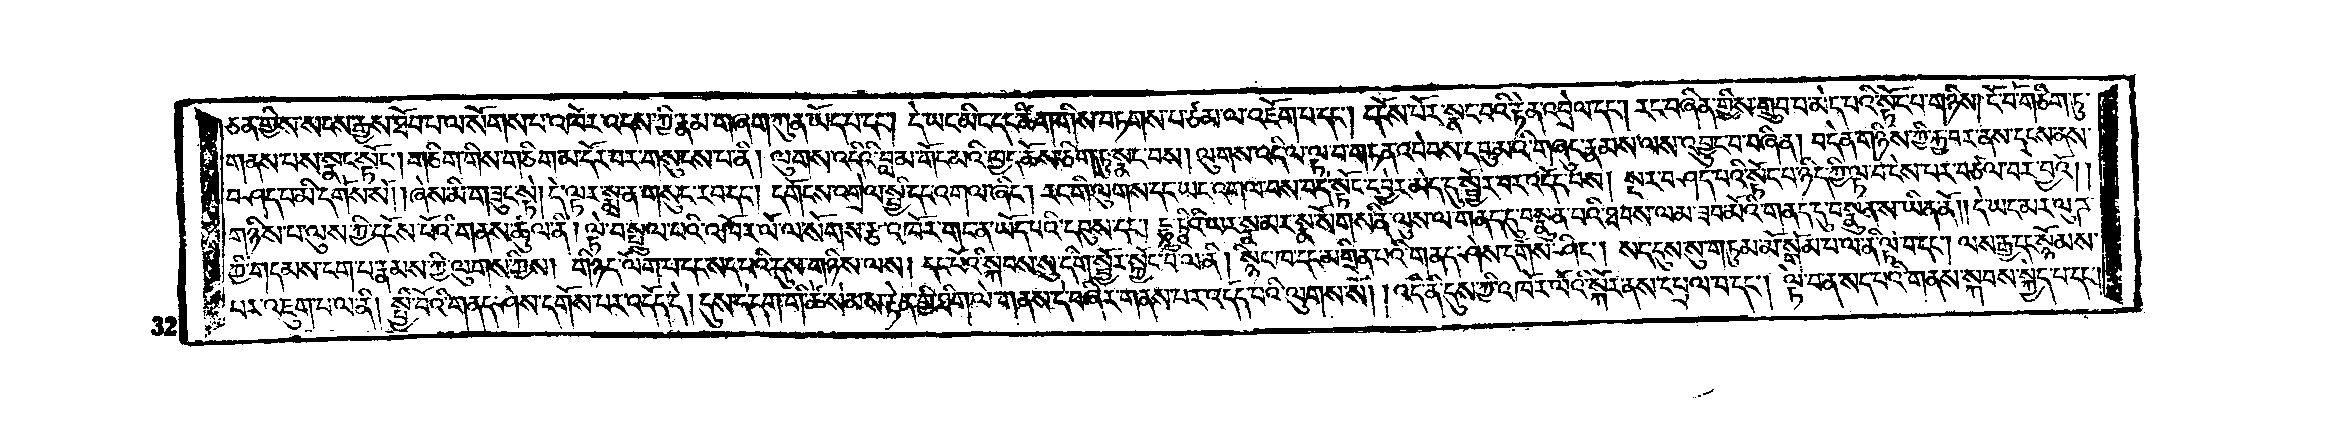ཅན་གྱིས་སངས་རྒྱས་ཐོབ་པ་ལ་སོགས་པ་འཁོར་འདས་ཀྱི་རྣམ་གཞག་ཀུན་ཡོད་པ་དང་། དེ་ཡང་མིང་དང་ཚིག་གིས་བཏགས་པ་ཙམ་ལ་འཇོག་པ་དང་། དངོས་པོར་སྣང་བའི་རྟེན་འབྲེལ་དང་། རང་བཞིན་གྱིས་གྲུབ་པ་མེད་པའི་སྟོང་པ་གཉིས། ངོ་བོ་གཅིག་ཏུ་
གནས་པས་སྣང་སྟོང་། གཅིག་གིས་གཅིག་མ་དོར་བར་གསུངས་པ་ནི། ལུགས་འདིའི་བླ་མ་གོང་མའི་ཁྱད་ཆོས་ཅིག་ཏུ་སྣང་བས། ལུགས་འདི་ལ་ལྟ་བ་གཏན་འབེབས་དབུ་མའི་གཞུང་རྣམས་ལས་འབྱུང་བ་བཞིན། བདེན་གཉིས་ཀྱི་རྐྱ་བར་ནས་དྲངས་ནས་
བཤད་པ་མི་དགོས་སོ། །ཞེས་མི་གཟུང་སྟེ། དེ་ལྟར་སྨྲ་ན་གསུང་རབ་དང་། དགོངས་འགྲེལ་སྤྱི་དང་འགལ་ཞིང་། རང་གི་ལུགས་དང་ཡང་འགལ་བས་བདེ་སྟོང་དབྱེར་མེད་དུ་སྦྱོར་བར་འདོད་པས། སྔར་བཤད་པའི་སྟོང་པ་ཉིད་ཀྱི་ལྟ་བ་ངེས་པར་བཙལ་བར་བྱའོ། །
གཉིས་པ་ལུས་ཀྱི་དངོས་པོའི་གནས་ཚུལ་ནི། ལྟེ་བ་སྤྲུལ་པའི་འཁོར་ལོ་ལ་སོགས་རྩ་འཁོར་གང་ན་ཡོད་པའི་དབུས་དང་། དྷཱུ་ཏཱིའི་ཡར་སྣ་མར་སྣ་སོགས་ནི་ལུས་ལ་གནད་དུ་བསྣུན་པའི་ཐབས་ལམ་ཟབ་མོའི་གནད་དུ་བསྣུན་ས་ཡིན་ནོ། །དེ་ཡང་མར་ལུགས་
ཀྱི་གདམས་ངག་པ་རྣམས་ཀྱི་ལུགས་ཀྱིས། གཉིད་ལོག་པ་དང་སད་པའི་དུས་གཉིས་ལས། དང་པོའི་སྐབས་སུ་དགེ་སྦྱོར་སྐྱོང་བ་ལ་ནི། སྙིང་ཁ་དང་མགྲིན་པའི་གནད་ཤེས་དགོས་ཤིང་། སད་དུས་སུ་གཏུམ་མོ་སྒོམ་པ་ལ་ནི་ལྟེ་བ་དང་། ལས་རྒྱ་དང་སྙོམས་
པར་འཇུག་པ་ལ་ནི། སྤྱི་བོའི་གནད་ཤེས་དགོས་པར་འདོད་དེ། དུས་དེ་དག་གི་ཚེ་སེམས་རྟེན་གྱི་ཐིག་ལེ་གནས་དེ་བཞིར་གནས་པར་འདོད་པའི་ལུགས་སོ། །འདི་ནི་དུས་ཀྱི་འཁོར་ལོའི་སྐོར་ནས་དཔྲལ་བ་དང་། ལྟེ་བ་ན་སད་པའི་གནས་སྐབས་སྐྱེད་པ་དང་།